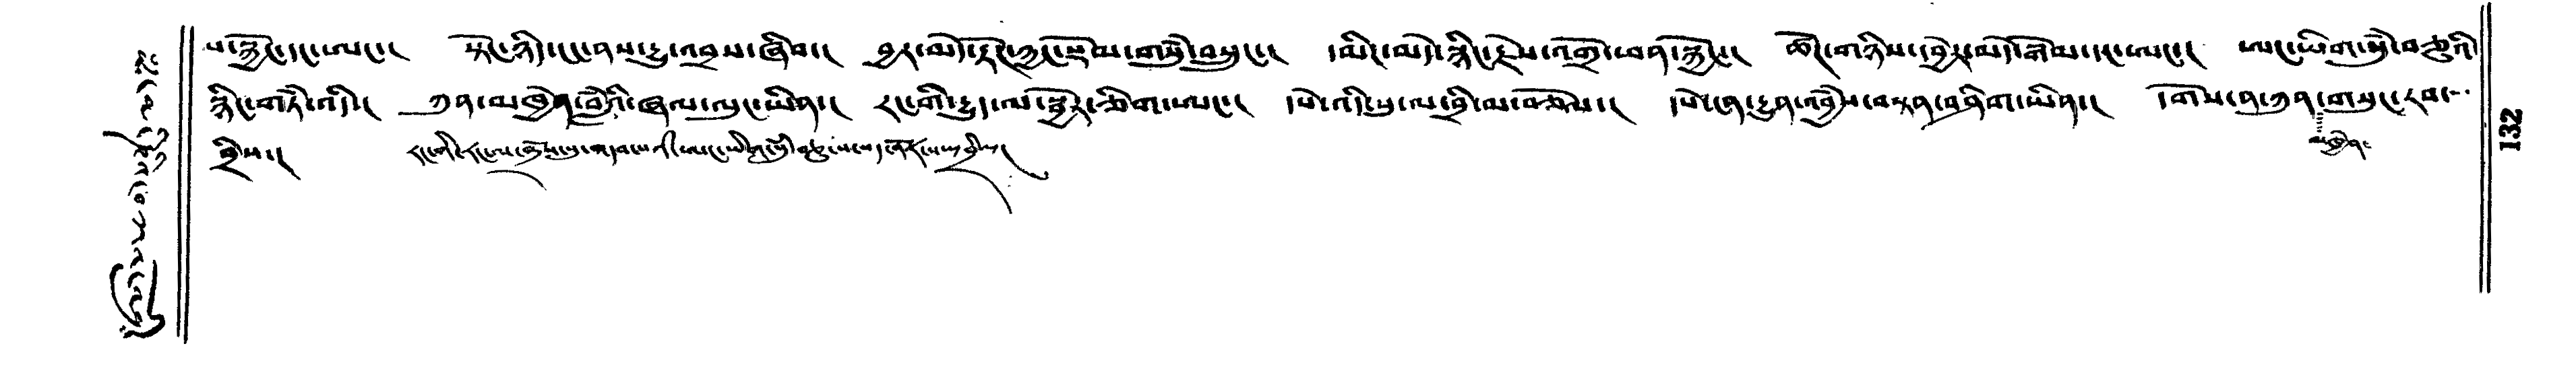པ་སྐྱོངས་དང་ཨང་། །སྟོང་ཉིད་ངང་ནས་རྒྱུ་འབྲས་ཞིབ། །བྱར་མེད་རྟོགས་ཀྱང་སྡོམ་གསུམ་བསྲུང་། །དམིགས་མེད་སྙིང་རྗེས་འགྲོ་ཕན་སྐྱོང་། །ཚོགས་གཉིས་དབྱེར་མེད་སྒོམ་དང་ཨང་། །ཨང་ཡིག་སུམ་ཅུའི་
སྙིང་གཏམ་འདི། །ཀུན་མཁྱེན་བླ་མའི་ཞལ་ལུང་ཡིན། །རང་གི་རྒྱུད་ལ་སྦྱོར་ཅིག་ཨང་། །དཔེ་འདི་སུ་ལ་བྲི་མ་བཅོལ། །དཔེ་ངན་རྒྱུན་འབྱམས་བསྟན་བཤིག་ཡིན། །དགོས་ན་ཀུན་མཁྱེན་གསུང་རབ་
བྲིས།། རང་གི་རང་ལ་གྲོས་སུ་གདབ་པའི་ཨང་ཡིག་སུམ་ཅུ་པ་པད་ནོར་པས་བྲིས། དགེའོ།།